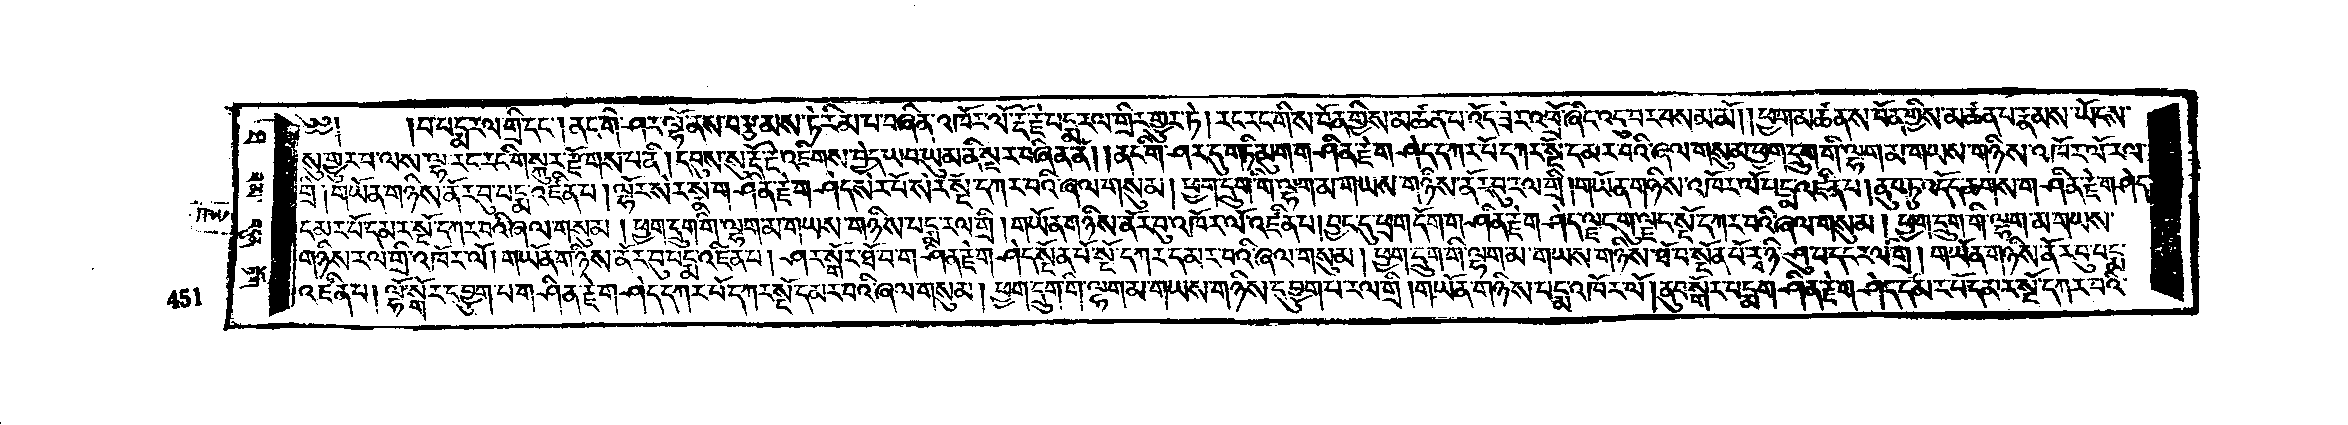༄༅། །པ་པདམ་རལ་གྲི་དང་། ནང་གི་ཤར་ལྷོ་ནས་བརྩམས་ཏེ་རིམ་པ་བཞིན་འཁོར་ལོ་རྡོ་རྗེ་པདམ་རལ་གྲིར་གྱུར་ཏེ། རང་རང་གི་ས་བོན་གྱིས་མཚན་པ་འོད་ཟེར་འཕྲོ་ཞིང་འདུ་བར་བསམ་མོ། །ཕྱག་མཚན་ས་བོན་གྱིས་མཚན་པ་རྣམས་ཡོངས་
སུ་གྱུར་པ་ལས་ལྷ་རང་རང་གི་སྐུར་རྫོགས་པ་ནི། དབུས་སུ་རྡོ་རྗེ་འཇིགས་བྱེད་ཡབ་ཡུམ་ནི་སྔར་བཞིན་ནོ། །ནང་གི་ཤར་དུ་གཏི་མུག་གཤིན་རྗེ་གཤེད་དཀར་པོ་དཀར་སྔོ་དམར་བའི་ཞལ་གསུམ་ཕྱག་དྲུག་གི་ལྷག་མ་གཡས་གཉིས་འཁོར་ལོ་རལ་
གྲི། གཡོན་གཉིས་ནོར་བུ་པདམ་འཛིན་པ། ལྷོར་སེར་སྣ་གཤིན་རྗེ་གཤེད་སེར་པོ་སེར་སྔོ་དཀར་བའི་ཞལ་གསུམ། ཕྱག་དྲུག་གི་ལྷག་མ་གཡས་གཉིས་ནོར་བུ་རལ་གྲི། གཡོན་གཉིས་འཁོར་ལོ་པདམ་འཛིན་པ། ནུབ་ཏུ་འདོད་ཆགས་གཤིན་རྗེ་གཤེད་
དམར་པོ་དམར་སྔོ་དཀར་བའི་ཞལ་གསུམ། ཕྱག་དྲུག་གི་ལྷག་མ་གཡས་གཉིས་པདམ་རལ་གྲི། གཡོན་གཉིས་ནོར་བུ་འཁོར་ལོ་འཛིན་པ། བྱང་དུ་ཕྲག་དོག་གཤིན་རྗེ་གཤེད་ལྗང་གུ་ལྗང་སྔོ་དཀར་བའི་ཞལ་གསུམ། ཕྱག་དྲུག་གི་ལྷག་མ་གཡས་
གཉིས་རལ་གྲི་འཁོར་ལོ། གཡོན་གཉིས་ནོར་བུ་པདམ་འཛིན་པ། ཤར་སྒོར་ཐོ་བ་གཤིན་རྗེ་གཤེད་སྔོན་པོ་སྔོ་དཀར་དམར་བའི་ཞལ་གསུམ། ཕྱག་དྲུག་གི་ལྷག་མ་གཡས་གཉིས་ཐོ་བ་སྔོན་པོ་རྭ་ཉི་ཤུ་པ་དང་རལ་གྲི། གཡོན་གཉིས་ནོར་བུ་པདམ་
འཛིན་པ། ལྷོ་སྒོར་དབྱུག་པ་གཤིན་རྗེ་གཤེད་དཀར་པོ་དཀར་སྔོ་དམར་བའི་ཞལ་གསུམ། ཕྱག་དྲུག་གི་ལྷག་མ་གཡས་གཉིས་དབྱུག་པ་རལ་གྲི། གཡོན་གཉིས་པདམ་འཁོར་ལོ། ནུབ་སྒོར་པདམ་གཤིན་རྗེ་གཤེད་དམར་པོ་དམར་སྔོ་དཀར་བའི་